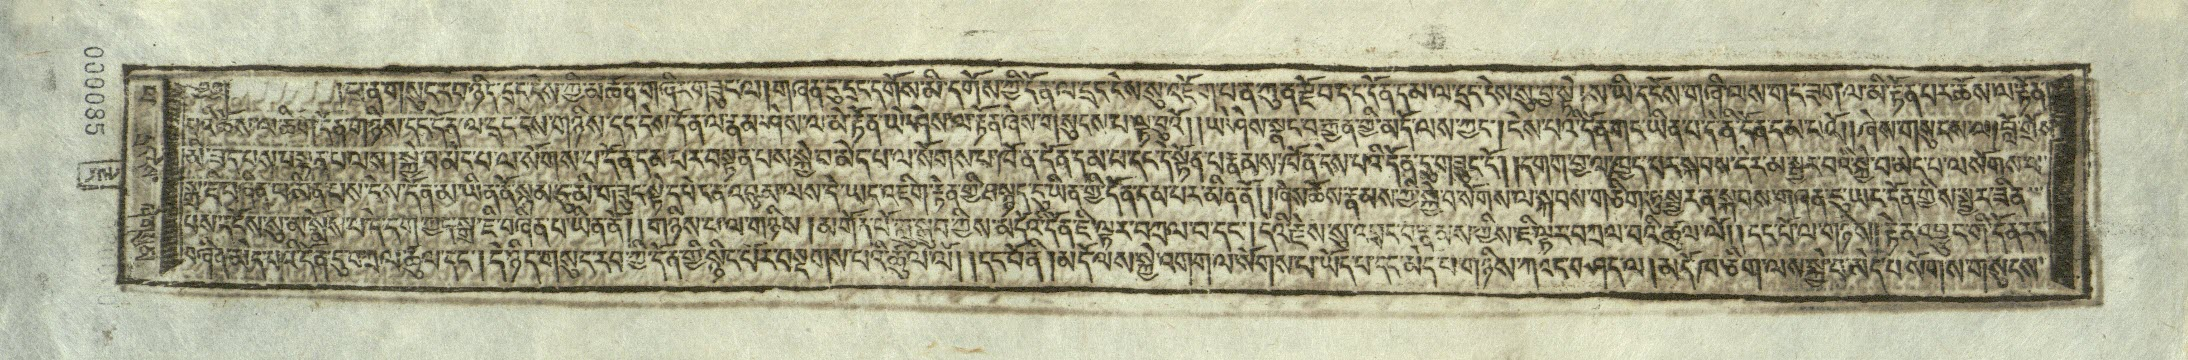༄༅། །པ་ན་གསུང་རབ་ཉིད་དྲང་ངེས་ཀྱི་མཚན་གཞིར་གཟུང་ལ། གཞན་དུ་དྲང་དགོས་མི་དགོས་ཀྱི་དོན་ལ་དྲང་ངེས་སུ་འཇོག་པ་ན་ཀུན་རྫོབ་དང་དོན་དམ་ལ་དྲང་ངེས་སུ་བྱ་སྟེ། ས་ཡི་དངོས་གཞི་ལས་གང་ཟག་ལ་མི་རྟོན་པར་ཆོས་ལ་རྟོན་
པའི་ཆོས་ལ་ཚིག་དོན་གཉིས་དང་དོན་ལ་དྲང་ངེས་གཉིས་དང་ངེས་དོན་ལ་རྣམ་ཤེས་ལ་མི་རྟོན་ཡེ་ཤེས་ལ་རྟོན་ཞེས་གསུངས་པ་ལྟ་བུའོ། །ཡེ་ཤེས་སྣང་བ་རྒྱན་གྱི་མདོ་ལས་ཀྱང་། ངས་པའི་དོན་གང་ཡིན་པ་དེ་ནི་དོན་དམ་པའོ། །ཞེས་གསུངས་ལ། བློ་གྲོས་
མི་ཟད་པས་བསྟན་པ་ལས། སྐྱེ་བ་མེད་པ་ལ་སོགས་པ་དོན་དམ་པར་བསྟན་པས་སྐྱེ་བ་མེད་པ་ལ་སོགས་པ་ཁོ་ན་དོན་དམ་པ་དང་དེ་སྟོན་པ་རྣམས་ཁོ་ན་ངེས་པའི་དོན་དུ་གཟུང་ངོ། །དགག་བྱ་ལ་ཁྱད་པར་སྐབས་དེར་མ་སྦྱར་བའི་སྐྱེ་བ་མེད་པ་ལ་སོགས་པ་
སྒྲ་ཇི་བཞིན་པ་མིན་པས་ངེས་དོན་མ་ཡིན་ནོ་སྙམ་དུ་མི་གཟུང་སྟེ་དཔེར་ན་འབུམ་ལས་དེ་ཡང་འཇིག་རྟེན་གྱི་ཐ་སྙད་དུ་ཡིན་གྱི་དོན་དམ་པར་མིན་ནོ། །ཞེས་ཆོས་རྣམས་ཀྱི་སྐྱེ་བ་སོགས་ལ་སྐབས་གཅིག་ཏུ་སྦྱར་ན་སྐབས་གཞན་དུ་ཡང་དོན་གྱིས་སྦྱར་ཟིན་
པས་དངོས་སུ་མ་སྨོས་པ་དེ་དག་ཀྱང་སྒྲ་ཇི་བཞིན་པ་ཡིན་ནོ། །གཉིས་པ་ལ་གཉིས། མགོན་པོ་ཀླུ་སྒྲུབ་ཀྱིས་མདོའི་དོན་ཇི་ལྟར་བཀྲལ་བ་དང་། དེའི་རྗེས་སུ་འབྲང་བ་རྣམས་ཀྱིས་ཇི་ལྟར་བཀྲལ་བའི་ཚུལ་ལོ། །དང་པོ་ལ་གཉིས། རྟེན་འབྱུང་གི་དོན་རང་
བཞིན་མེད་པའི་དོན་དུ་བཀྲལ་ཚུལ་དང་། དེ་ཉིད་གསུང་རབ་ཀྱི་དོན་གྱི་སྙིང་པོར་བསྔགས་པའི་ཚུལ་ལོ། །དང་པོ་ནི། མདོ་ལས་སྐྱེ་འགག་ལ་སོགས་པ་ཡོད་པ་དང་མེད་པ་གཉིས་ཀའང་བཤད་ལ། མདོ་ཁ་ཅིག་ལས་སྐྱེ་བ་མེད་པ་སོགས་གསུངས་